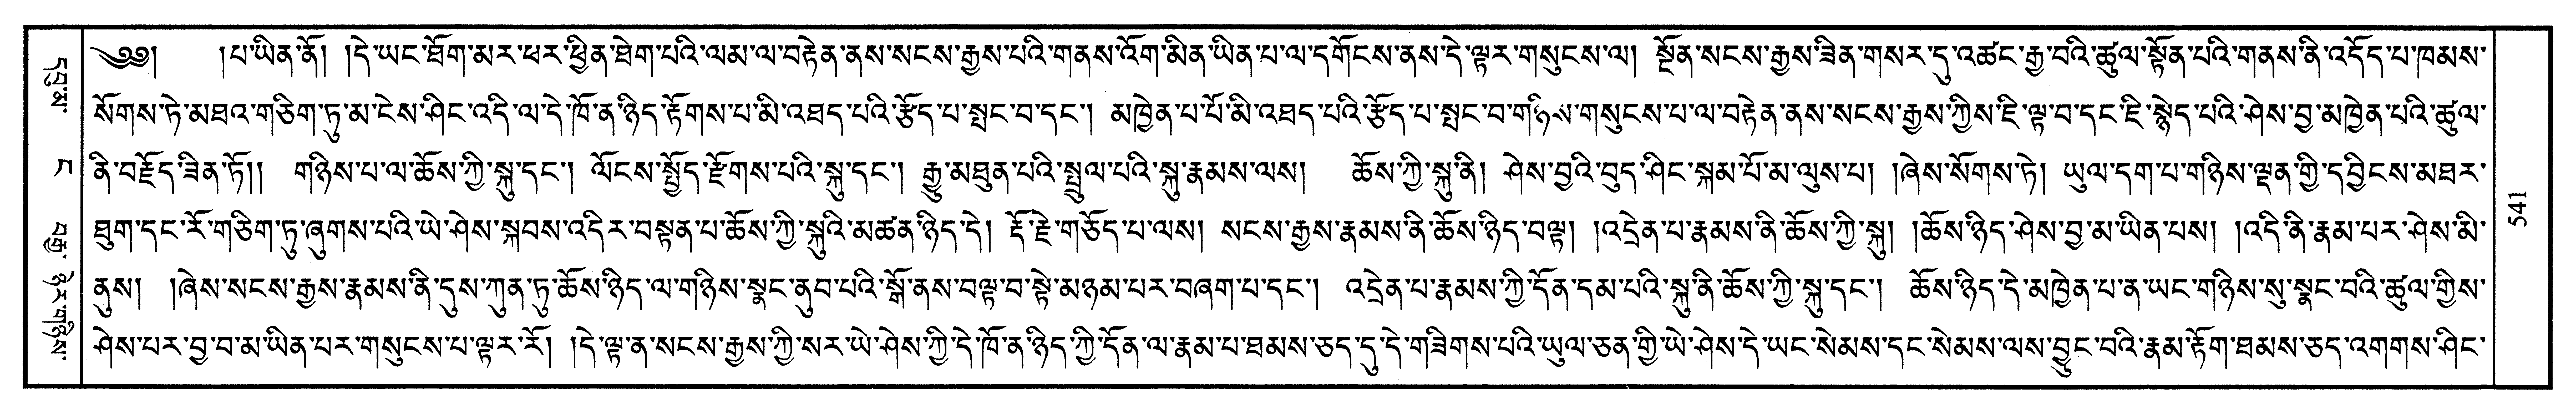༄༅། །པ་ཡིན་ནོ། །དེ་ཡང་ཐོག་མར་ཕར་ཕྱིན་ཐེག་པའི་ལམ་ལ་བརྟེན་ནས་སངས་རྒྱས་པའི་གནས་འོག་མིན་ཡིན་པ་ལ་དགོངས་ནས་དེ་ལྟར་གསུངས་ལ། སྔོན་སངས་རྒྱས་ཟིན་གསར་དུ་འཚང་རྒྱ་བའི་ཚུལ་སྟོན་པའི་གནས་ནི་འདོད་པ་ཁམས་
སོགས་ཏེ་མཐའ་གཅིག་ཏུ་མ་ངེས་ཤིང་འདི་ལ་དེ་ཁོ་ན་ཉིད་རྟོགས་པ་མི་འཐད་པའི་རྩོད་པ་སྤང་བ་དང་། མཁྱེན་པ་པོ་མི་འཐད་པའི་རྩོད་པ་སྤང་བ་གཉིས་གསུངས་པ་ལ་བརྟེན་ནས་སངས་རྒྱས་ཀྱིས་ཇི་ལྟ་བ་དང་ཇི་སྙེད་པའི་ཤེས་བྱ་མཁྱེན་པའི་ཚུལ་
ནི་བརྗོད་ཟིན་ཏོ།། གཉིས་པ་ལ་ཆོས་ཀྱི་སྐུ་དང་། ལོངས་སྤྱོད་རྫོགས་པའི་སྐུ་དང་། རྒྱུ་མཐུན་པའི་སྤྲུལ་པའི་སྐུ་རྣམས་ལས། ཆོས་ཀྱི་སྐུ་ནི། ཤེས་བྱའི་བུད་ཤིང་སྐམ་པོ་མ་ལུས་པ། །ཞེས་སོགས་ཏེ། ཡུལ་དག་པ་གཉིས་ལྡན་གྱི་དབྱིངས་མཐར་
ཐུག་དང་རོ་གཅིག་ཏུ་ཞུགས་པའི་ཡེ་ཤེས་སྐབས་འདིར་བསྟན་པ་ཆོས་ཀྱི་སྐུའི་མཚན་ཉིད་དེ། རྡོ་རྗེ་གཅོད་པ་ལས། སངས་རྒྱས་རྣམས་ནི་ཆོས་ཉིད་བལྟ། །འདྲེན་པ་རྣམས་ནི་ཆོས་ཀྱི་སྐུ། །ཆོས་ཉིད་ཤེས་བྱ་མ་ཡིན་པས། །འདི་ནི་རྣམ་པར་ཤེས་མི་
ནུས། །ཞེས་སངས་རྒྱས་རྣམས་ནི་དུས་ཀུན་ཏུ་ཆོས་ཉིད་ལ་གཉིས་སྣང་ནུབ་པའི་སྒོ་ནས་བལྟ་བ་སྟེ་མཉམ་པར་བཞག་པ་དང་། འདྲེན་པ་རྣམས་ཀྱི་དོན་དམ་པའི་སྐུ་ནི་ཆོས་ཀྱི་སྐུ་དང་། ཆོས་ཉིད་དེ་མཁྱེན་པ་ན་ཡང་གཉིས་སུ་སྣང་བའི་ཚུལ་གྱིས་
ཤེས་པར་བྱ་བ་མ་ཡིན་པར་གསུངས་པ་ལྟར་རོ། །དེ་ལྟ་ན་སངས་རྒྱས་ཀྱི་སར་ཡེ་ཤེས་ཀྱི་དེ་ཁོ་ན་ཉིད་ཀྱི་དོན་ལ་རྣམ་པ་ཐམས་ཅད་དུ་དེ་གཟིགས་པའི་ཡུལ་ཅན་གྱི་ཡེ་ཤེས་དེ་ཡང་སེམས་དང་སེམས་ལས་བྱུང་བའི་རྣམ་རྟོག་ཐམས་ཅད་འགགས་ཤིང་